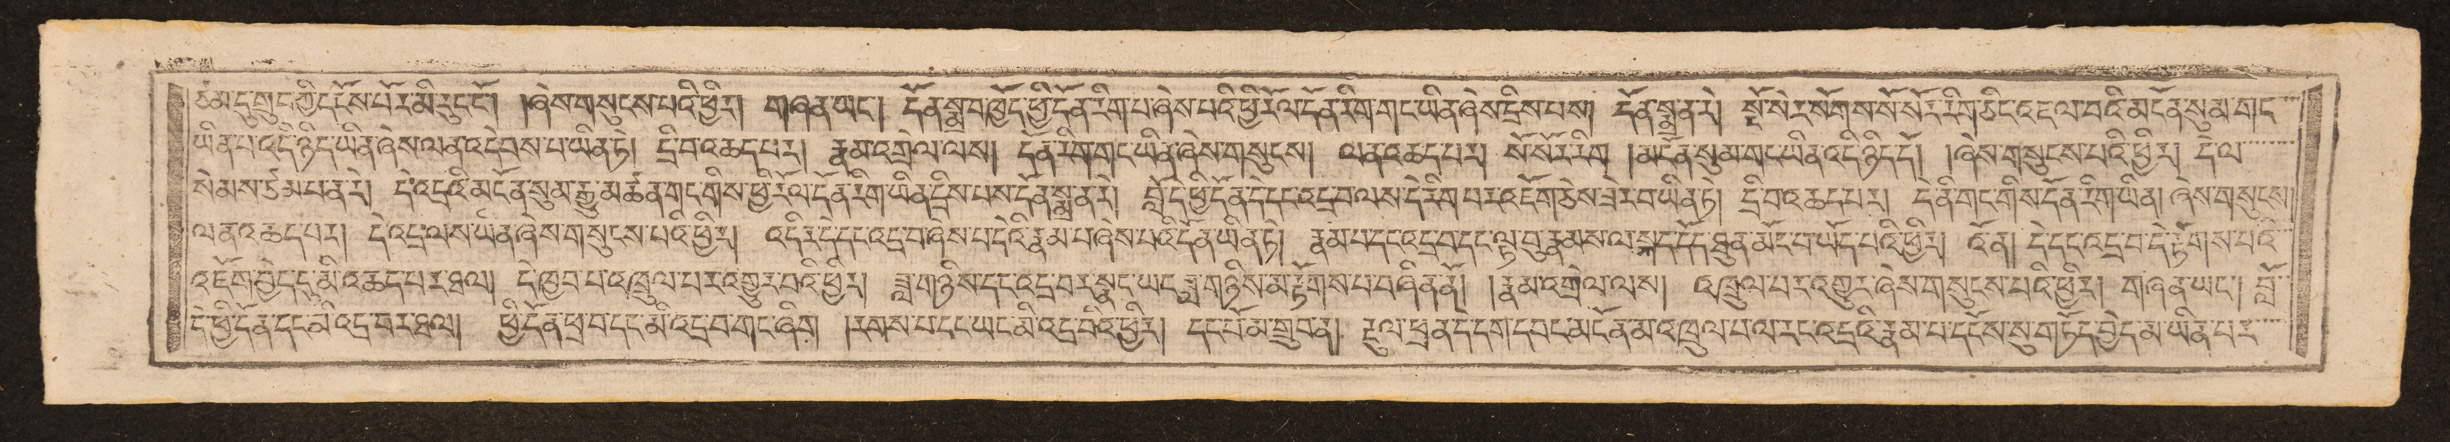ཙམ་དུ་གྲུབ་ཀྱི་དངོས་པོར་མི་རུང་ངོ། །ཞེས་གསུངས་པའི་ཕྱིར། གཞན་ཡང་། དོན་སྨྲ་བ་ཁྱོད་ཕྱི་དོན་རིག་པ་ཞེས་པའི་ཕྱི་རོལ་དོན་རིག་གང་ཡིན་ཞེས་དྲིས་པས། དོན་སྨྲ་ན་རེ། སྔོ་སེར་སོགས་སོ་སོར་རིག་ཅིང་འཇལ་པའི་མངོན་སུམ་གང་
ཡིན་པ་འདི་ཉིད་ཡིན་ཞེས་ལན་འདེབས་པ་ཡིན་ཏེ། དྲི་བ་འཆད་པར། རྣམ་འགྲེལ་ལས། དོན་རིག་གང་ཡིན་ཞེས་གསུངས། ལན་འཆད་པར། སོ་སོར་རིག །མངོན་སུམ་གང་ཡིན་འདི་ཉིད་དོ། །ཞེས་གསུངས་པའི་ཕྱིར། དེ་ལ་
སེམས་ཙམ་པ་ན་རེ། དེ་འདྲའི་མངོན་སུམ་རྒྱུ་མཚན་གང་གིས་ཕྱི་རོལ་དོན་རིག་ཡིན་དྲིས་པས་དོན་སྨྲ་ན་རེ། བློ་དེ་ཕྱི་དོན་དེ་དང་འདྲ་བ་ལས་དེ་རིག་པར་འཇོག་ཅེས་ཟེར་བ་ཡིན་ཏེ། དྲི་བ་འཆད་པར། དེ་ནི་གང་གིས་དོན་རིག་ཡིན། ཞེས་གསུངས་
ལན་འཆད་པར། དེ་འདྲ་ལས་ཡིན་ཞེས་གསུངས་པའི་ཕྱིར། འདིར་དེ་དང་འདྲ་བ་ཞེས་པ་དེའི་རྣམ་པ་ཞེས་པའི་དོན་ཡིན་ཏེ། རྣམ་པ་དང་འདྲ་བ་དང་ལྟ་བུ་རྣམས་ལ་སྐད་དོད་ཐུན་མོང་བ་ཡོད་པའི་ཕྱིར། འོ་ན། དེ་དང་འདྲ་བ་དེ་རྟོགས་པའི་
འཇོག་བྱེད་དུ་མི་འཆད་པར་ཐལ། དེ་ཁྱབ་པ་འཁྲུལ་པར་འགྱུར་བའི་ཕྱིར། ཟླ་གཉིས་དང་འདྲ་བར་སྣང་ཡང་ཟླ་གཉིས་མ་རྟོགས་པ་བཞིན་ནོ། །རྣམ་འགྲེལ་ལས། འཁྲུལ་བར་འགྱུར་ཞེས་གསུངས་པའི་ཕྱིར། གཞན་ཡང་། བློ་
དེ་ཕྱི་དོན་དང་མི་འདྲ་བར་ཐལ། ཕྱི་དོན་ཕྲ་བ་དང་མི་འདྲ་བ་གང་ཞིག །རགས་པ་དང་ཡང་མི་འདྲ་བའི་ཕྱིར། དང་པོ་མ་གྲུབ་ན། རྡུལ་ཕྲན་དེ་དག་དབང་མངོན་མ་འཁྲུལ་པ་ལ་རང་འདྲའི་རྣམས་དངོས་སུ་གཏོང་བྱེད་མ་ཡིན་པར་